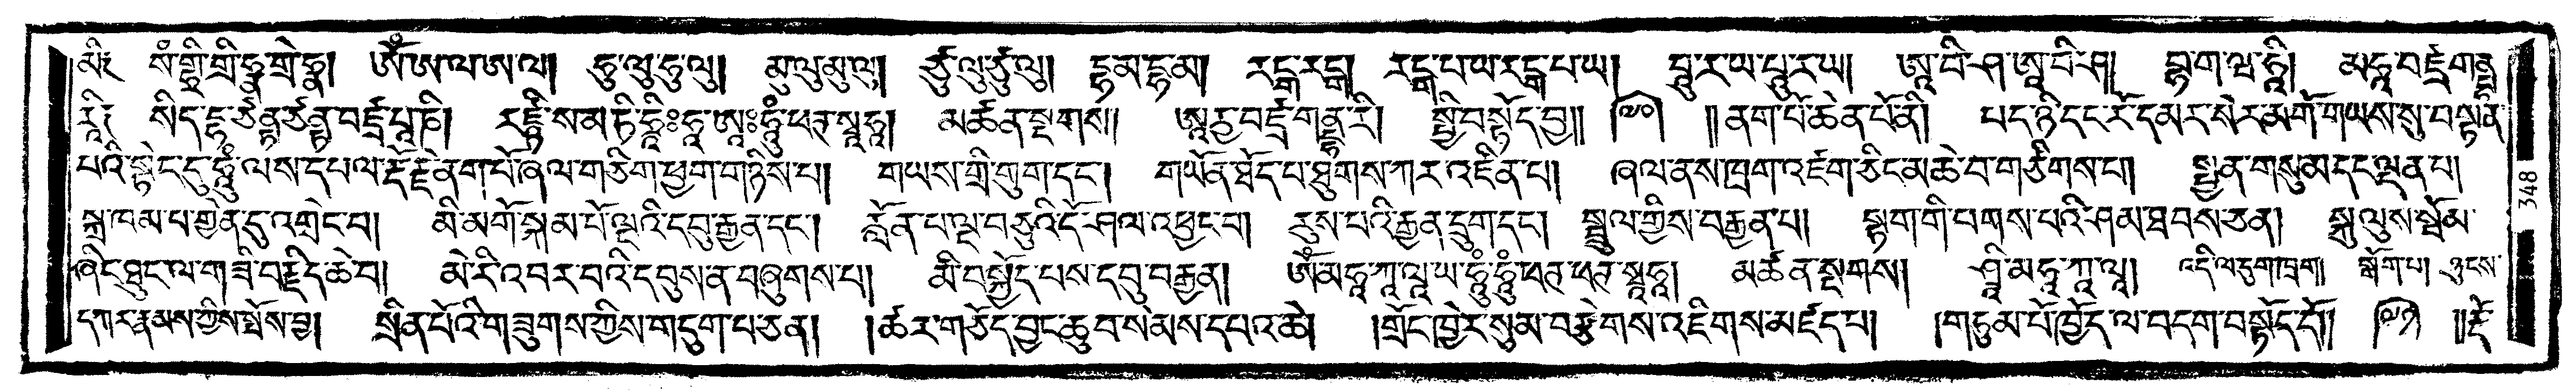མི༑ སཾ་གྷྲི་གྲི་ཧྣ་གྲེ་ཧྣ། ཨོཾ་ཨ་ལ་ཨ་ལ། ཧུ་ལུ་ཧུ་ལུ། མུ་ལུ་མུ་ལུ། ཙུ་ལུ་ཙུ་ལུ། དྷ་མ་དྷ་མ། རདག་རདག། རདག་པ་ཡ་རདག་པ་ཡ། པཱུ་ར་ཡ་པཱུ་ར་ཡ། ཨཱ་བི་ཤ་ཨཱ་བི་ཤ། བྷ་ག་ཝ་ཧཱི། མཧཱ་བཛྲ་གནྡྷ་
རཱི༑ སིད་དྷ་ཙནྟ་ཙནྟ་བཛྲ་པཱ་ཎི། རཛྙི་ས་མ་ཏི་ཧྲཱིཿཧཱ་ཨཱཿཧཱུཾ་ཕཊ་སྭཱཧཱ། མཚན་སྔགས། ཨཱརྱ་བཛྲ་གནྡྷ་རི། སྤྱི་བསྟོད་བྱ།། ༧༠?་།།ནག་པོ་ཆེན་པོ་ནི། པད་ཉི་དང་རོ་དམར་སེར་མགོ་གཡས་སུ་བསྟན་
པའི་སྟེང་དུ་ཧཱུཾ་ལས་དཔལ་རྡོ་རྗེ་ནག་པོ་ཞལ་གཅིག་ཕྱག་གཉིས་པ། གཡས་གྲི་གུག་དང་། གཡོན་ཐོད་པ་ཐུགས་ཀར་འཛིན་པ། ཞལ་ནས་ཁྲག་འཛག་ཅིང་མཆེ་བ་གཙིགས་པ། སྤྱན་གསུམ་དང་ལྡན་པ།
སྐྲ་ཁམ་པ་གྱེན་དུ་འགྲེང་བ། མི་མགོ་སྐམ་པོ་ལྔའི་དབུ་རྒྱན་དང་། རློན་པ་ལྔ་བཅུའི་དོ་ཤལ་འཕྱང་བ། རུས་པའི་རྒྱན་དྲུག་དང་། སྦྲུལ་གྱིས་བརྒྱན་པ། སྟག་གི་པགས་པའི་ཤམ་ཐབས་ཅན། སྐུ་ལུས་སྦོམ་
ཞིང་ཐུང་ལ་གཟི་བརྗིད་ཆེ་བ། མེ་རི་འབར་བའི་དབུས་ན་བཞུགས་པ། མི་བསྐྱོད་པས་དབུ་བརྒྱན། ཨོཾ་མཧཱ་ཀཱ་ལཱ་ཡ་ཧཱུཾ་ཧཱུཾ་ཕཊ་ཕཊ་སྭཱཧཱ། མཚན་སྔགས། ཤྲཱི་མཧཱ་ཀཱ་ལཱ། འདི་ལ་དུག་ཁྲག། སྒོག་པ། ཉུངས་
དཀར་རྣམས་ཀྱིས་སྤོས་བྱ། སྲིན་པོའི་གཟུགས་ཀྱིས་གདུག་པ་ཅན། །ཚར་གཅོད་བྱང་ཆུབ་སེམས་དཔའ་ཆེ། །གྲོང་ཁྱེར་སུམ་བརྩེགས་འཇིགས་མཛད་པ། །གཏུམ་པོ་ཁྱོད་ལ་བདག་བསྟོད་དོ། ༧༡?་།།རྡོ་